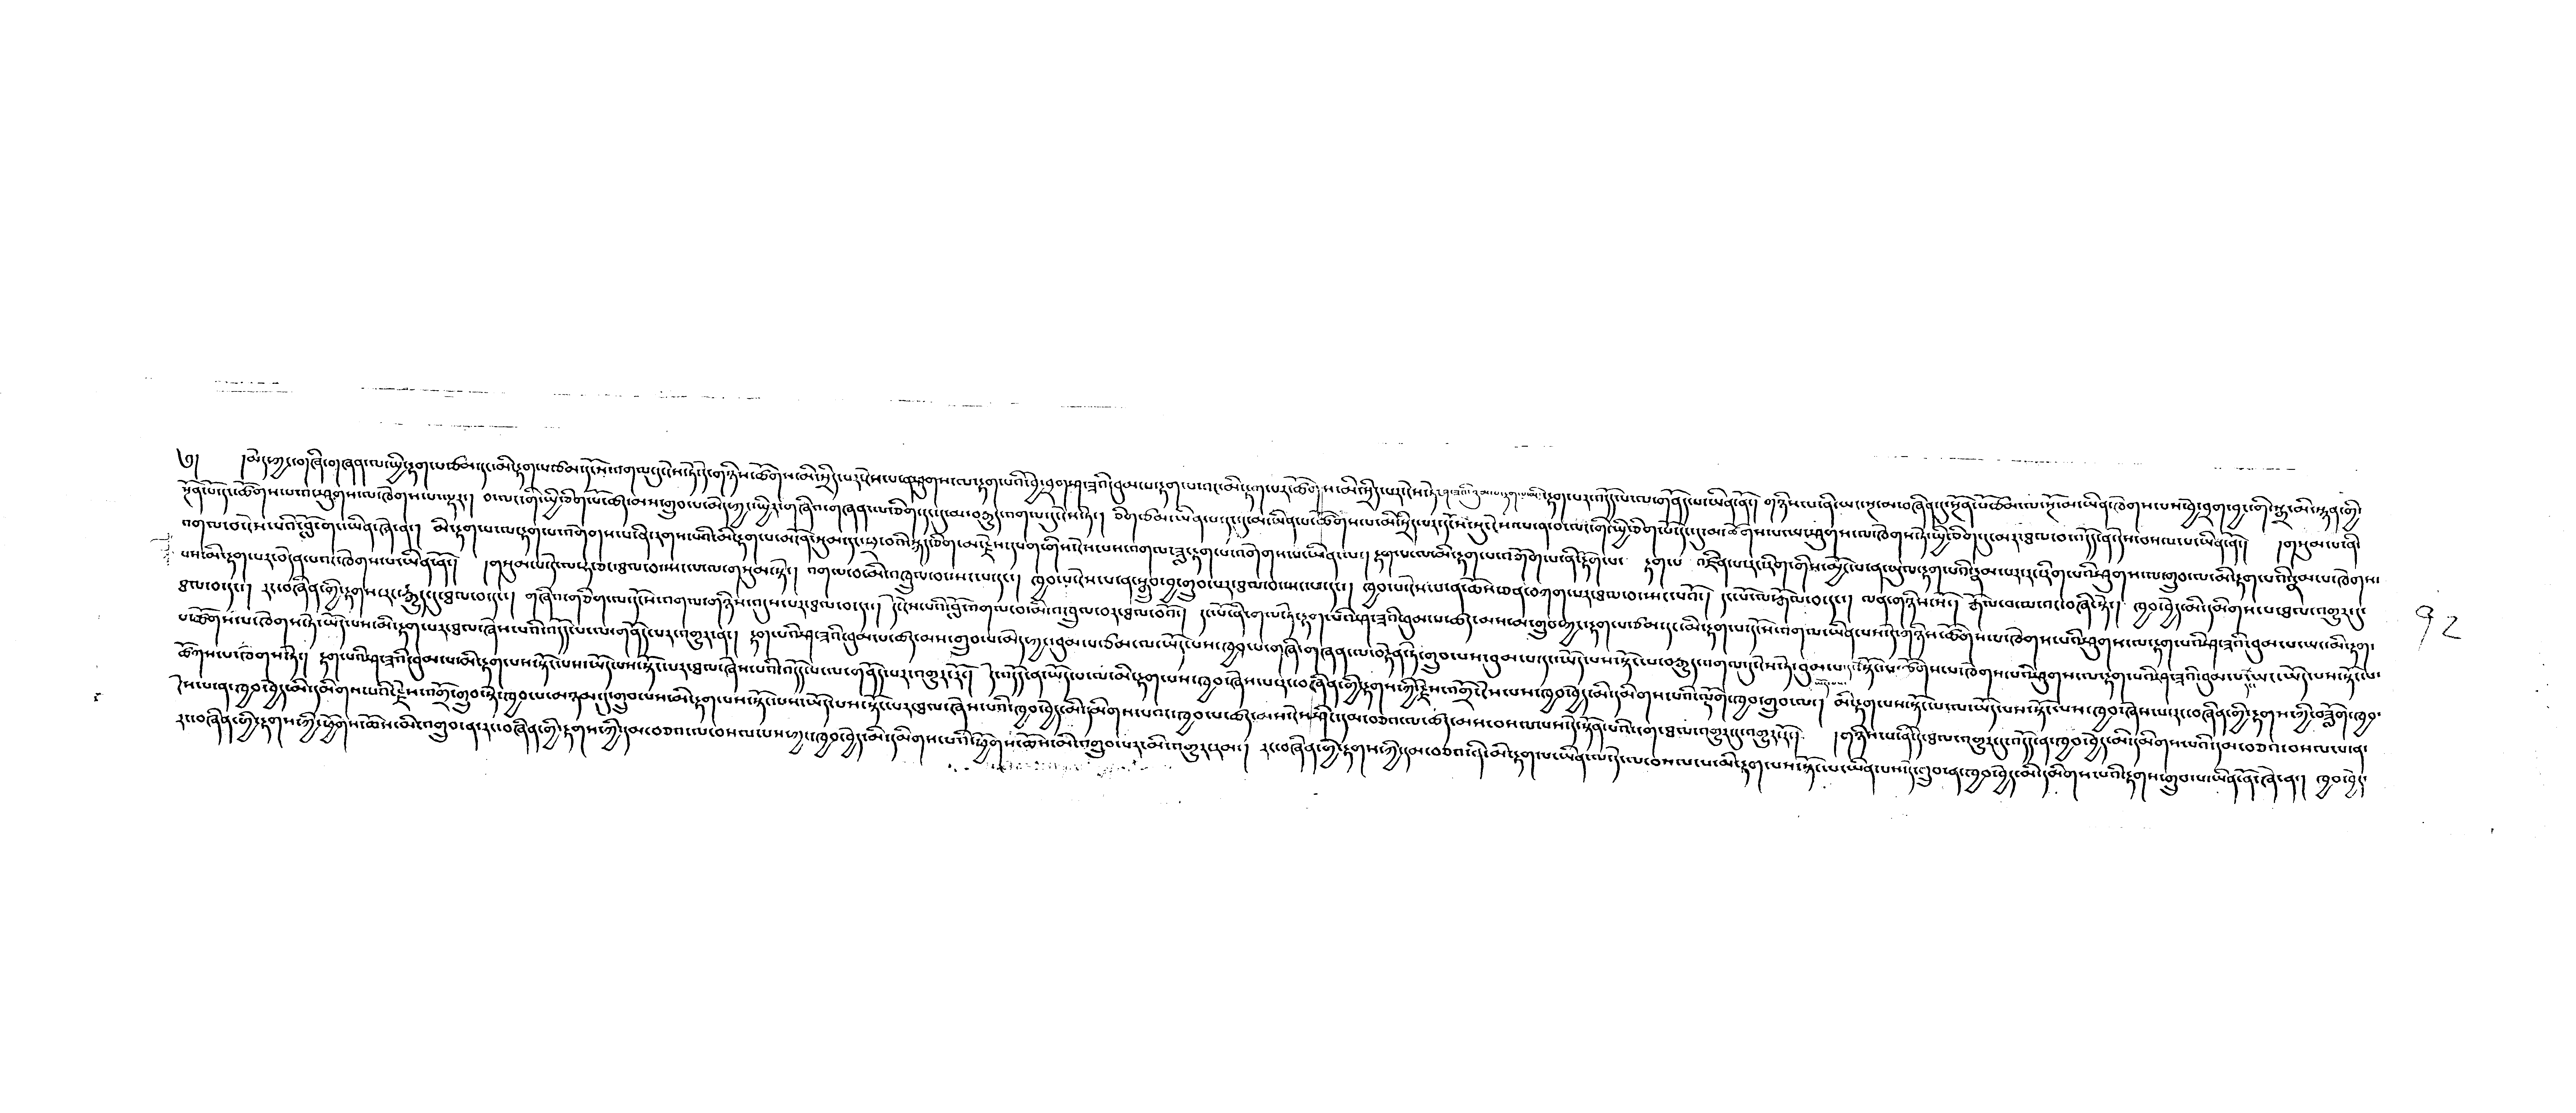༈། །མེད་ཀྱང་གཞི་གཞན་ལ་སྤྱི་རྟག་པ་ཙམ་དང་མི་རྟག་པ་ཙམ་དངོས་འགལ་དུ་ངེས་ཏེ་དེ་གཉིས་ཚོགས་མི་སྲིད་པར་ངེས་པ་ན་ཤུགས་ལ་རྟག་པའི་བྱེ་བྲག་ཤ་ཟའི་བུམ་པ་རྟག་པ་འང་མི་རྟག་པར་ཚོགས་མི་སྲིད་པར་ངེས་ཏེ་ཤ་ཟའི་བུམ་པ་རྟག་པ་མི་རྟག་པར་འདོད་པ་ལ་གནོད་པ་ཡིན་ནོ། གཉིས་པ་ནི་ཡང་སྔ་མ་བཞིན་དུ་སྔོན་པོ་ཙམ་ལ་སྔོ་མ་ཡིན་ཁེགས་པས་བྱེ་བྲག་བྱང་གི་སྒྲ་མི་སྙན་གྱི་
སྔོན་པོ་དང་ཚོགས་པ་འང་ཤུགས་ལ་ཁེགས་པ་ལྟར། བ་ལང་གི་སྤྱི་ཅིག་པོ་ཚད་མས་གྲུབ་པ་མེད་ཀྱང་སྤྱིར་གཞིའ་གཞན་ལ་ཅིག་དང་དུ་མ་བརྒྱུད་འགལ་དུ་ངེས་ཏེ། ཅིག་ཙམ་ཡིན་པ་དང་དུ་མ་ཡིན་པ་ཚོགས་པ་མི་སྲིད་པར་དངོས་སུ་ངེས་?་ན་བ་ལང་གི་སྤྱི་ཅིག་པོ་དང་དུ་མ་ཚོགས་པ་ཡང་ཤུགས་ལ་ཁེགས་ཏེ་སྤྱི་ཅིག་དུ་མར་ཐལ་བ་འདོད་ན་དེས་བསལ་པ་ཡིན་ནོ། །གསུམ་པ་ནི་
འགལ་བ་ངེས་པའི་བློ་གང་ཡིན་ཞེ་ན། མི་རྟག་པ་ལ་རྟག་པ་པ་འགོག་པ་ནི་རགས་པའི་མི་རྟག་པ་མངོན་སུམ་དང་ཕྲ་བའི་སྐད་ཅིག་མ་རྗེས་དཔག་གིས་ངེས་པས་འགལ་ཟླ་རྟག་པ་འགེགས་པ་ཡིན་ལ། རྟག་པ་ལ་མི་རྟག་པ་འགོག་པ་ནི་རྟོག་པ་རྟག་པ་འཛིན་པ་རང་རིག་གིས་མྱོང་པ་ན་ཡུལ་རྟག་པའི་རྣམ་པར་རང་རིག་པའི་ཤུགས་ལ་གྲུབ་ལ་མི་རྟག་པའི་རྣམ་པ་ཁེགས་
པས་མི་རྟག་པར་བདེན་པའང་ཁེགས་པ་ཡིན་ནོ། །གསུམ་པ་དེ་ལ་ཧ་ཅང་ཐལ་བ་སྤང་པ་ལ་གསུམ་སྟེ། འགལ་བ་མི་འཁྲུལ་བ་སྤང་པ་དང་། ཁྱབ་པ་ངེས་པ་ན་སྒྲུབ་བྱ་གྲུབ་པར་ཐལ་བ་སྤང་པ་དང་། ཁྱབ་པ་ངེས་པ་ན་ཆོས་ཅན་བཀག་པར་ཐལ་བ་སྤང་པའོ། དང་པོ་ལ་རྒོལ་བ་དང་། ལན་གཉིས་སོ། རྒོལ་བ་མ་འང་བཞི་སྟེ། ཁྱབ་བྱེད་མི་དམིགས་པ་ཐལ་འགྱུར་དུ་
ཐལ་བ་དང་། རང་བཞིན་གྱི་རྟགས་རང་རྒྱུད་དུ་ཐལ་བ་དང་། གཞིའ་གཅིག་ལ་དངོས་འགལ་གཉིས་འདུས་པར་ཐལ་བ་དང་། དེ་ངེས་པའི་བློ་འགལ་བ་མི་འཁྲུལ་བར་ཐལ་བའོ། དང་པོ་ནི་གལ་ཏེ་རྟག་པའི་ཤ་ཟའི་བུམ་པ་ཚད་མས་མ་གྲུབ་ཀྱང་རྟག་པ་ཙམ་དང་མི་རྟག་པ་དངོས་འགལ་ཡིན་པས་དེ་གཉིས་ཚོགས་པ་ཁེགས་པའི་ཤུགས་ལ་རྟག་པའི་ཤ་ཟའི་བུ་པ་ཡང་མི་རྟག་
པ་ཚོགས་པ་ཁེགས་ཏེ་ཡོད་པས་མི་རྟག་པར་ཐལ་ཞེས་པའི་འདོད་པ་ལ་གནོད་པར་འགྱུར་ན། རྟག་པའི་ཤ་ཟའི་བུམ་པ་ཚད་མས་གྲུབ་པ་མེད་ཀྱང་བུམ་པ་ཙམ་ལ་ཡོད་པས་ཁྱབ་པ་གཞི་གཞན་ལ་བརྟེན་ཏེ་གྲུབ་པས་བུམ་པ་དང་ཡོད་པས་སྟོང་པ་བརྒྱུད་འགལ་དུ་ངེས་ཏེ་བུམ་པ་དང་ཡོད་པས་སྟོང་པ་ཚོགས་པ་ཁེགས་པའི་ཤུགས་ལ་རྟག་པའི་ཤ་ཟའི་བུམ་པ་དང་ཡང་ཡོད་པས་སྟོང་པ་
ཚོགས་པ་ཁེགས་ཏེ། རྟག་པའི་ཤ་ཟའི་བུམ་པ་མི་རྟག་པས་སྟོང་པས་ཡོད་པས་སྟོང་པར་ཐལ་ཞེས་པའི་འདོད་པ་ལ་གནོད་པར་འགྱུར་རོ། དེ་འདོད་ན་ཡོད་པ་ལ་མི་རྟག་པས་ཁྱབ་ཞེས་པ་རང་བཞིན་གྱི་རྟགས་ཀྱི་རྗེས་འགྲོ་ངེས་པས་ཁྱབ་བྱེད་མི་དམིགས་པའི་ལྡོག་ཁྱབ་གྲུབ་ལ། མི་རྟག་པས་སྟོང་པ་ལ་ཡོད་པས་སྟོང་པས་ཁྱབ་ཞེས་པ་རང་བཞིན་གྱི་རྟགས་ཀྱི་བཟློག་ཁྱབ་
ངེས་པ་ན་ཁྱབ་བྱེད་མི་དམིགས་པའི་རྗེས་འགྲོ་གྲུབ་སྟེ་ཁྱབ་པ་མཉམ་དུ་གྲུབ་པས་མི་རྟག་པས་སྟོང་པས་ཡོད་པས་སྟོང་པར་ཐལ་ཞེས་པའི་ཁྱབ་བྱེད་མི་དམིགས་པའང་ཁྱབ་པ་ཚད་མས་ངེས་ཤིང་དམ་བཅའ་ལ་ཚད་མས་བསལ་པས་དེ་སྟོན་པའི་ངག་ཐལ་འགྱུར་དུ་འགྱུར་རོ། །གཉིས་པ་ནི་དེ་ཐལ་འགྱུར་དུ་འདོད་ན་ཁྱབ་བྱེད་མི་དམིགས་པའི་དམ་བཅའ་བསལ་པ་ན་
རང་བཞིན་གྱི་རྟགས་ཀྱི་ཕྱོགས་ཆོས་མི་འགྲུབ་ན་རང་བཞིན་གྱི་རྟགས་ཀྱི་དམ་བཅའ་ལ་བསལ་པས་ཀྱང་ཁྱབ་བྱེད་མི་དམིགས་པའི་ཕྱོགས་ཆོས་མི་འགྲུབ་པར་མི་འགྱུར་རམ། རང་བཞིན་གྱི་རྟགས་ཀྱི་དམ་བཅའ་ནི་མི་རྟག་པ་ཡིན་ལ་དེ་ལ་བསལ་པ་མི་རྟག་པས་སྟོང་པ་ཡིན་པས་དེ་གྲུབ་ན་ཁྱབ་བྱེདམི་དམིགས་པའི་རྟགས་གྲུབ་པ་ཡིན་ནོ་ཞེ་ན། ཁྱབ་བྱེད་